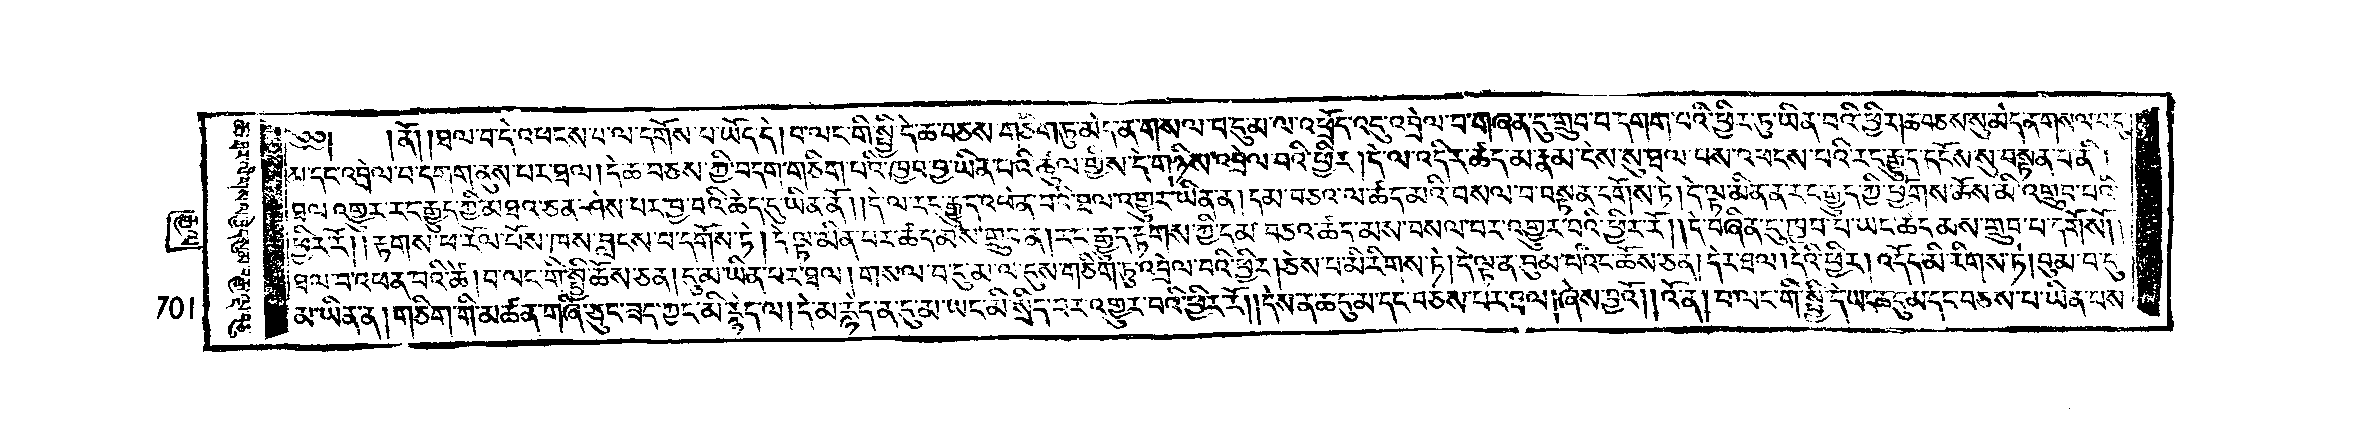༄༅། །ནོ། །ཐལ་བ་དེ་འཕངས་པ་ལ་དགོས་པ་ཡོད་དེ། བ་ལང་གི་སྤྱི་དེ་ཚ་བཅས་གཅིག་ཏུ་མེད་ན་གསལ་བ་དུ་མ་ལ་འཕྲོད་འདུ་འབྲེལ་བ་གཞན་དུ་གྲུབ་བ་དགག་པའི་ཕྱིར་ཏུ་ཡིན་པའི་ཕྱིར། ཆ་བཅས་སུ་མེད་ན་གསལ་བ་དུ་
མ་དང་འབྲེལ་བ་དགག་ནུས་པར་ཐལ། དེ་ཆ་བཅས་ཀྱི་བདག་གཅིག་པའི་ཁྱབ་བྱ་ཡིན་པའི་ཚུལ་གྱིས་དེ་གཉིས་འབྲེལ་བའི་ཕྱིར། དེ་ལ་འདིར་ཚད་མ་རྣམ་ངེས་སུ་ཐལ་པས་འཕངས་པའི་རང་རྒྱུད་དངོས་སུ་བསྟན་པ་ནི།
ཐལ་འགྱུར་རང་རྒྱུད་ཀྱི་མཐའ་ཅན་ཤེས་པར་བྱ་བའི་ཆེད་དུ་ཡིན་ནོ། །དེ་ལ་རང་རྒྱུད་འཕེན་པའི་ཐལ་འགྱུར་ཡིན་ན། དམ་བཅའ་ལ་ཚད་མའི་བསལ་བ་བསྟན་དགོས་ཏེ། དེ་ལྟ་མིན་ན་རང་རྒྱུད་ཀྱི་ཕྱོགས་ཆོས་མི་འགྲུབ་པའི་
ཕྱིར་རོ། །རྟགས་ཕ་རོལ་པོས་ཁས་བླངས་པ་དགོས་ཏེ། དེ་ལྟ་མིན་པར་ཚད་མས་གྲུབ་ན། རང་རྒྱུད་རྟགས་ཀྱི་དམ་བཅའ་ཚད་མས་བསལ་བར་འགྱུར་བའི་ཕྱིར་རོ། །དེ་བཞིན་དུ་ཁྱབ་པ་ཡང་ཚད་མས་གྲུབ་པ་དགོས་སོ། །
ཐལ་བ་འཕན་པའི་ཚེ། བ་ལང་གི་སྤྱི་ཆོས་ཅན། དུ་མ་ཡིན་པར་ཐལ། གསལ་བ་དུ་མ་ལ་དུས་གཅིག་ཏུ་འབྲེལ་བའི་ཕྱིར། ཅེས་པ་མི་རིགས་ཏེ། དེ་ལྟ་ན་བུམ་པའི་ང་ཆོས་ཅན། དེར་ཐལ། དེའི་ཕྱིར། འདོད་མི་རིགས་ཏེ། བུམ་པ་དུ་
མ་ཡིན་ན། གཅིག་གི་མཚན་གཞི་ཅུང་ཟད་ཀྱང་མི་རྙེད་ལ། དེ་མ་རྙེད་ན་དུ་མ་ཡང་མི་སྲིད་པར་འགྱུར་བའི་ཕྱིར་རོ། །དེས་ན་ཆ་དུ་མ་དང་བཅས་པར་ཐལ། ཞེས་བྱའོ། །འོ་ན། བ་ལང་གི་སྤྱི་དེ་ཡང་ཆ་དུ་མ་དང་བཅས་པ་ཡིན་པས་